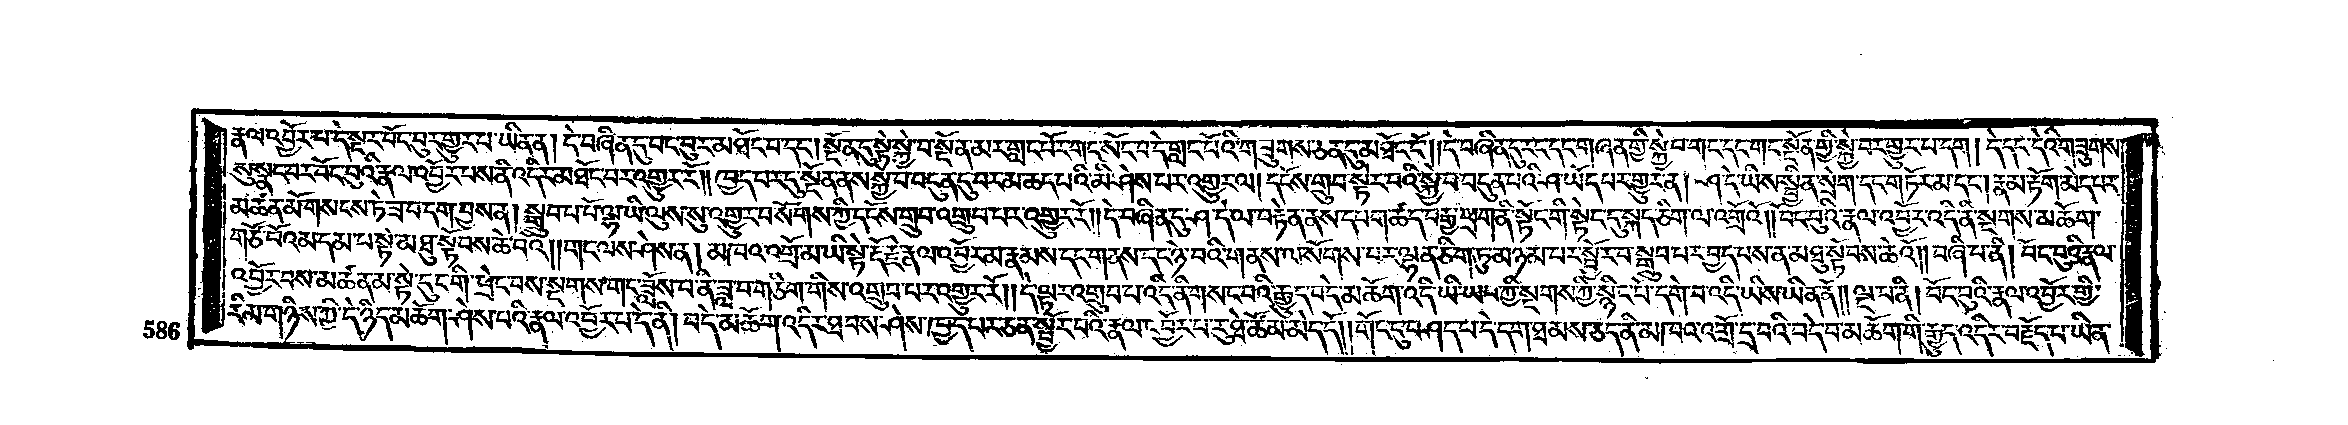རྣལ་འབྱོར་པ་དེ་སྔར་བོང་བུར་གྱུར་པ་ཡིན་ན། དེ་བཞིན་དུ་བོང་བུར་མཐོང་བ་དང་། སྔོན་དུ་སྟེ་སྐྱེ་བ་སྔོན་མར་གླང་པོར་གང་སོང་བ་དེ་གླང་པོའི་གཟུགས་ཅན་དུ་མཐོང་ངོ། །དེ་བཞིན་དུ་རང་དང་གཞན་གྱི་སྐྱེ་བ་གང་དང་གང་སྔོན་གྱི་སྐྱེ་བར་གྱུར་པ་དག །དེ་དང་དེའི་གཟུགས་
སུ་སྣང་བར་བོང་བུའི་རྣལ་འབྱོར་པས་ནི་འདིར་མཐོང་བར་འགྱུར་རོ། །ཁྱད་པར་དུ་སྔོན་ནས་སྐྱེ་བ་བདུན་དུ་བར་མ་ཆད་པའི་མི་ཤེས་པར་འགྱུར་ལ། དངོས་གྲུབ་སྟེར་བའི་སྐྱེ་བ་བདུན་པའི་ཤ་ཡོད་པར་གྱུར་ན། ཤ་དེ་ཡིས་སྦྱིན་སྲེག་དང་གཏོར་མ་དང་། རྣམ་རྟོག་མེད་པར་
མཚན་མོ་གསངས་ཏེ་ཟ་བ་དག་བྱས་ན། སྒྲུབ་པ་པོ་ལྷ་ཡི་ལུས་སུ་འགྱུར་བ་སོགས་ཀྱི་དངོས་གྲུབ་འགྲུབ་པར་འགྱུར་རོ། །དེ་བཞིན་དུ་ཤ་དེ་ལ་བརྟེན་ནས་དཔག་ཚད་བརྒྱ་ཕྲག་ནི་སྟོང་གི་སྟེང་དུ་སྐད་ཅིག་ལ་འགྲོའོ། །བོང་བུའི་རྣལ་འབྱོར་འདི་ནི་སྔགས་མཆོག་
གཙོ་བོའམ་དམ་པ་སྟེ་མཐུ་སྟོབས་ཆེ་བའི། །གང་ལས་ཤེས་ན། མཁའ་འགྲོ་མ་ཡི་སྟེ་རྡོ་རྗེ་རྣལ་འབྱོར་མ་རྣམས་དང་གནས་དང་ཉེ་བའི་གནས་ལ་སོགས་པར་ལྷན་ཅིག་ཏུ་མཉམ་པར་སྦྱོར་བ་སྒྲུབ་པར་བྱེད་པས་ན་མཐུ་སྟོབས་ཆེའོ། །བཞི་པ་ནི། བོང་བུའི་རྣལ་
འབྱོར་བས་མཚན་མ་སྟེ་དུང་གི་ཕྲེང་བས་སྔགས་གང་ཟློས་པ་ནི་ཟླ་བ་གཅིག་གིས་འགྲུབ་པར་འགྱུར་རོ། །དེ་ལྟར་འགྲུབ་པ་འདི་ནི་གསང་བའི་རྒྱུད་བདེ་མཆོག་འདི་ཡི་ཡབ་ཀྱི་སྔགས་ཀྱི་སྙིང་པོ་དགེ་བ་འདི་ཡིས་ཡིན་ནོ། །ལྔ་པ་ནི། བོང་བུའི་རྣལ་འབྱོར་གྱི་
རིམ་གཉིས་ཀྱི་དེ་ཉིད་མཆོག་ཤེས་པའི་རྣལ་འབྱོར་པ་དེ་ནི། བདེ་མཆོག་འདིར་ཐབས་ཤེས་ཁྱད་པར་ཅན་སྦྱོར་བའི་རྣལ་འབྱོར་པ་རུ་ཐེ་ཚོམ་མེད་དོ། །གོང་དུ་བཤད་པ་དེ་དག་ཐམས་ཅད་ནི་མཁའ་འགྲོ་དྲ་བའི་བདེ་བ་མཆོག་གི་རྒྱུད་འདིར་བརྗོད་པ་ཡིན་